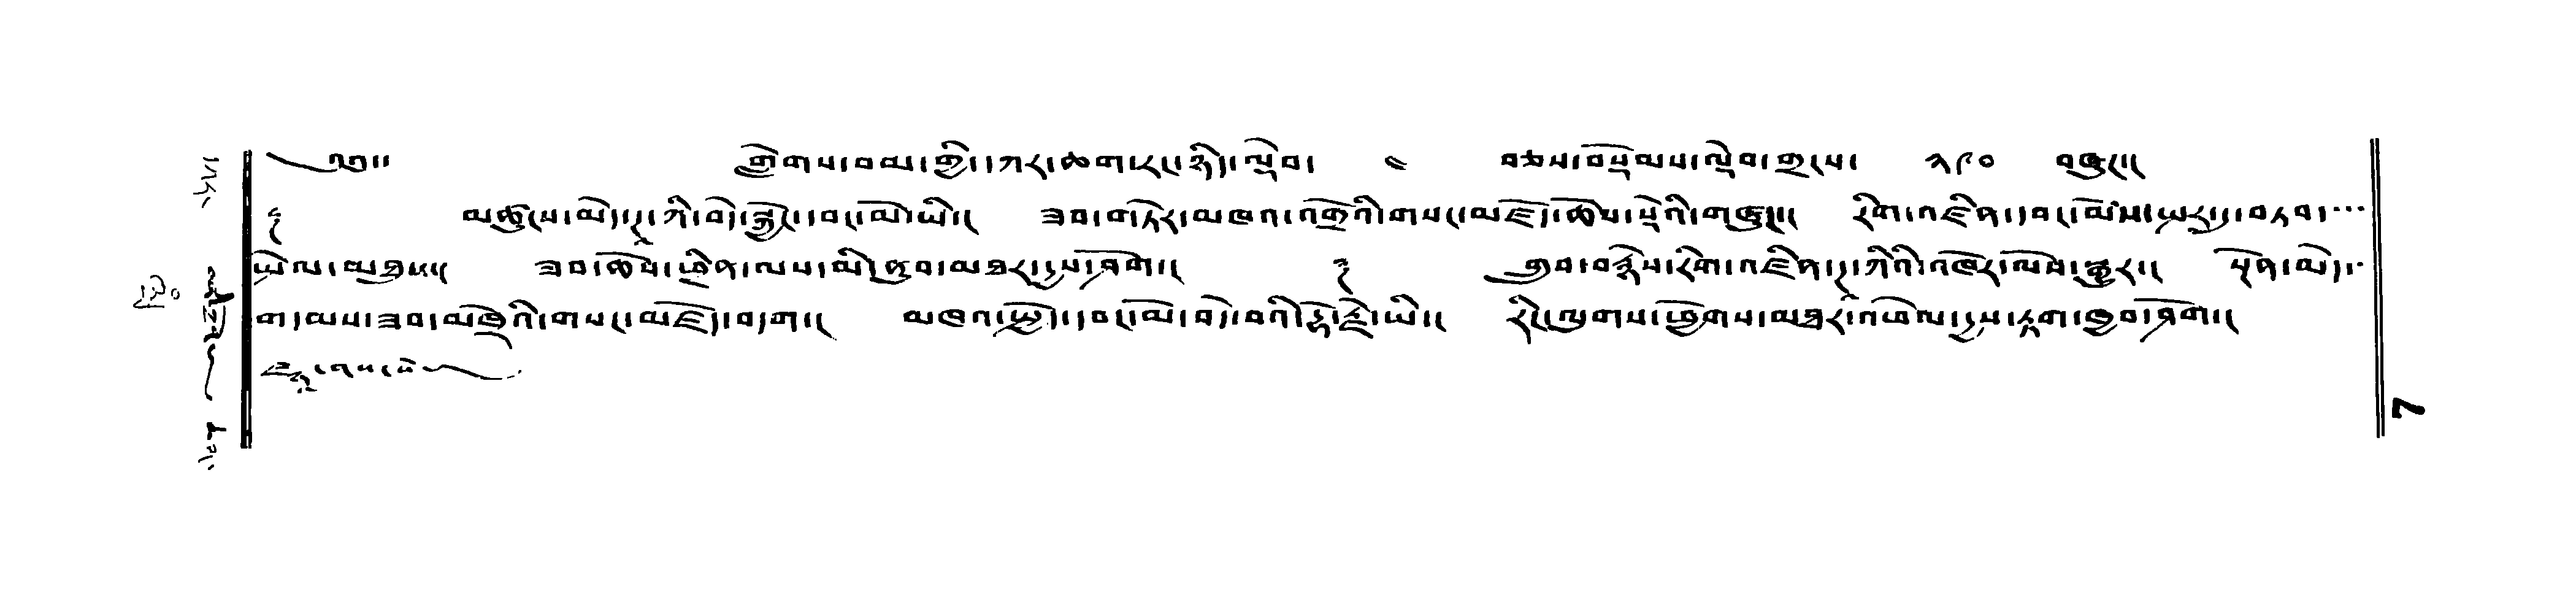གླེགས་བམ་གྱི་དཀར་ཆག་རང་ཉིད་ལྡེབ། བཅས་བསྡོམས་ལྡེབ་གྲངས། བཞུགས། 
མཚུངས་མེད་ཌཱ་ཀི་བདེ་སྐྱོང་དབང་མོ་ཡི། །ཟབ་གཏེར་མཁའ་འགྲོའི་གསང་མཛོད་ཆོས་སྡེའི་གཞུང་། །རིག་འཛིན་དབང་མོས་སྤར་དུ་བཏབ་
སྤེལ་མཐུས། །ཟབ་ཆོས་ཕྲིན་ལས་མི་ནུབ་མཐར་རྒྱས་ཤོག། གྲུབ་བརྙེས་རིག་འཛིན་ཌཱ་ཀིའི་འཁོར་ལོས་སྒྱུར། །སྔོན་མེད་
གདམས་ཟབ་མཁའ་འགྲོའི་གསང་མཛོད་བདག །མཁའ་སྤྱོད་དབང་མོ་བདེ་བའི་རྡོ་རྗེ་ཡི། །རིང་ལུགས་ཕྱོགས་མཐར་འཕེལ་རྒྱས་རྟག་ཁྱབ་ཤོག 
ཛྙཱ་ནས་སོ།།